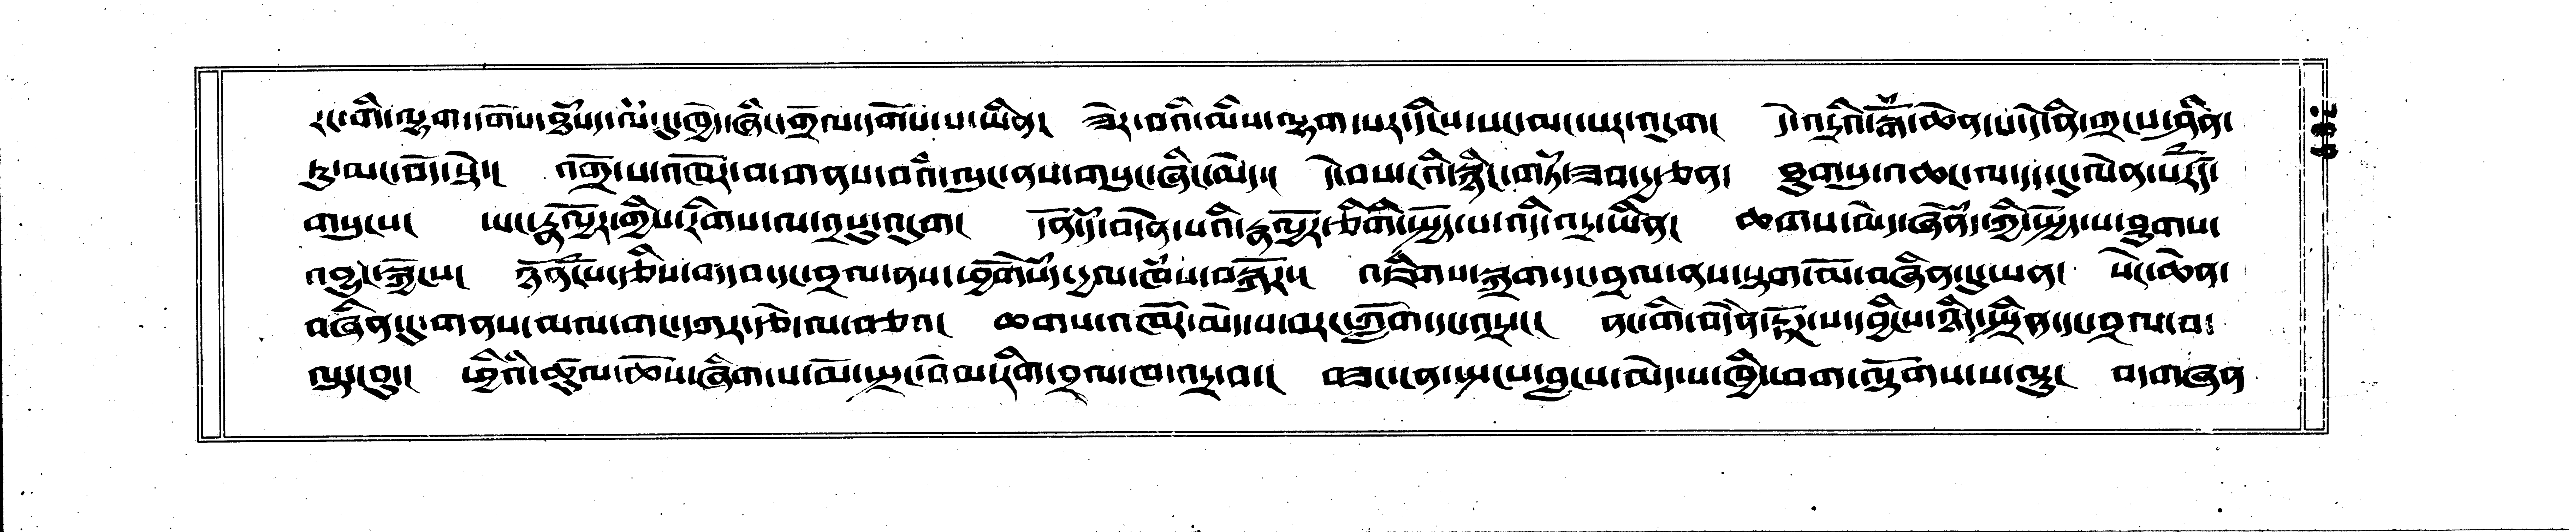ལྷག་པ་ཟེར། ཐམས་ཅད་ལམ་དུ་ཁྱེར་ཞིང་གྲོགས་སུ་དགོས་པ་ཡིན་ཟེར། ལྷག་པར་དུས་དིང་(དེང)་སང་མང་པར་འདུག དེ་འདྲའི་སྒོམས་པ་གྲངས་ཤིན་
ཏུ་མང་བདོའ་སྟེ། འགྲོ་ས་འཁོར་བའི་གནས་བས་ཟིན་པ་མེད། དེ་བས་ངའི་སྙིང་གཏམ་ཟབ་རྒྱ་ཅན་ ཐུགས་ལ་འཆང་ཞིང་ཉམས་སུ་བླང་པར་
གསུངས་སོ། ཡང་རྣལ་འབྱོར་གྱིས་རིགས་ལ་གཉིས་སུ་འདུག དོན་དམ་བདེན་པའི་རྣལ་འབྱོར་གཅིག་གིས། སྤྱོད་པ་དེ་ཆགས་ཞེན་མེད་པའི་
སྤྱོད་པ་སྐྱོངས། ཉམ་ང་རྩིས་བརྡབ་དང་བྲལ་ནས། ཕྱོགས་མེད་རྒྱལ་ཁམས་འགྲིམ། འཇིག་སྐྲག་དངས་ནས་སྟག་མོ་བཞིན་དུ་ཡན། སིང་གྷེ་(སེང་གེ)་
བཞིན་དུ་གནས་མལ་གངས་དཀར་རྩེ་ལ་བཅའ། ཆགས་འཁོར་མེད་པར་བར་སྣང་ཀློགས་༼གློག༽དང་འདྲ། ནང་བདེ་ཆེན་རྟོགས་པས་དབྱིངས་ཉིད་སྤྲིན་བྲལ་
ལྟ་བུའོ། ཕྱིའི་ཚུལ་ཆོས་ཞིགས་པ་མོ་སྤྲང་བེམ་རིག་བྲལ་བ་འདྲ། བཟང་ངན་སྤང་བླང་མེད་པ་ཁྱི་ཕག་རྟོགས་”ལྟོགས”པ་འདྲ། བདག་གཞན་གྱིས་